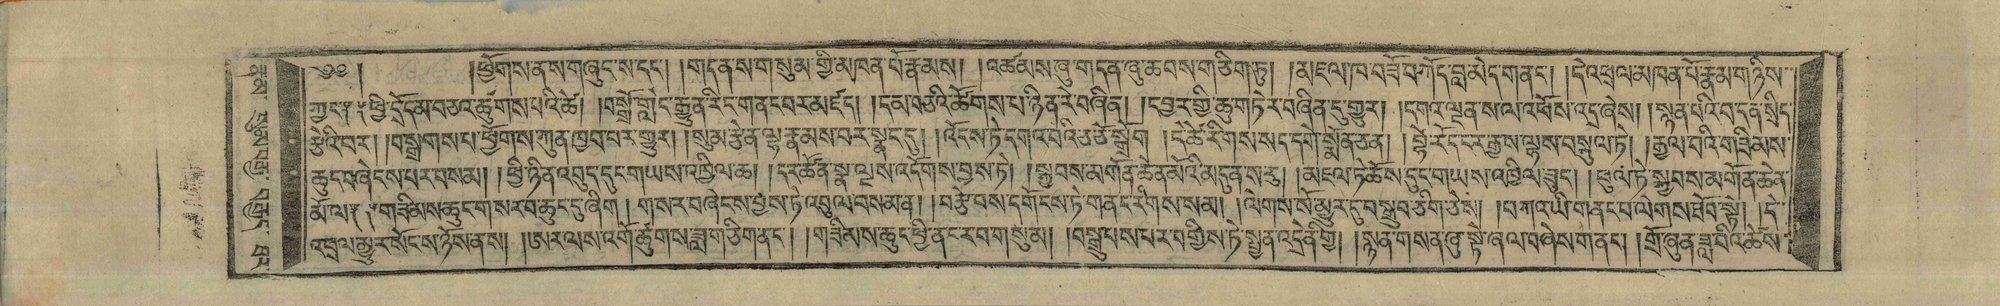༄༅། །ཕྱོགས་ནས་གཞུང་ས་དང་། །གདན་ས་གསུམ་གྱི་མཁན་པོ་རྣམས། །འཚམས་ཞུ་གདན་ཞུ་ཆབས་གཅིག་ཏུ། །མཇལ་ཁ་བཟོ་བཀོད་བླ་མེད་གནང་། །དེ་འཕྲལ་མཁན་པོ་རྣམ་གཉིས་
ཀྱང་། །ཕྱི་དྲོ་དམ་བཅའ་ཚུགས་པའི་ཚེ། །བསྒྲོ་གླེང་རྒྱུན་རིང་གནང་བར་མཛད། །དམ་བཅའི་ཚོགས་པ་ཉིན་རེ་བཞིན། །དབྱར་གྱི་ཆུ་གཏེར་བཞིན་དུ་གྱུར། །དགའ་ལྡན་ས་ལ་འཕོས་འདྲ་ཞེས། །སྙན་པའི་བ་དན་སྲིད་
རྩེའི་བར། །བསྒྲགས་པ་ཕྱོགས་ཀུན་ཁྱབ་པར་གྱུར། །སུམ་རྩེན་ལྷ་རྣམས་བར་སྣང་དུ། །འོངས་ཏེ་དགའ་བའི་ཅ་ཅོ་སྒྲོག །དེ་ཚེ་རིགས་སད་དགེ་སྨོན་ཅན། །བྷེ་རོད་ངར་རྒྱས་ལྷས་བསྐུལ་ཏེ། །རྒྱལ་བའི་གཟིམས་
ཆུང་བཞེངས་པར་བསམ། །ཕྱི་ཉིན་འབུད་དུང་གཡས་འཁྱིལ་ཆ། །དར་ཚོན་སྣ་ལྔས་འདོགས་བྱས་ཏེ། །སྐྱབས་མགོན་ཆེན་མོའི་མདུན་ས་རུ། །མཇལ་ཏེ་ཆོས་དུང་གཡས་འཁྱིལ་ཟུང་། །ཕུལ་ཏེ་སྐྱབས་མགོན་ཆེན་
མོ་ལ། །གཟིམས་ཆུང་གསར་བ་ཆུང་ངུ་ཞིག །གསར་བཞེངས་བྱས་ཏེ་འབུལ་བསམ་ན། །བརྩེ་བས་དགོངས་ཏེ་གནང་རིགས་སམ། །ལེགས་སོ་མྱུར་དུ་བསྒྲུབ་ཅིག་ཅེས། །བཀའ་ཡི་གནང་བ་ལེགས་ཐོབ་སྟེ། །དེ་
འཕྲལ་མྱུར་སོང་ས་ཉོས་ནས། །ཨར་ལས་འགོ་ཚུགས་ཟླ་གཅིག་ནང་། །གཟིམས་ཆུང་ཕྱི་ནང་ར་བ་གསུམ། །བསྒྲུབས་པར་བགྱིས་ཏེ་སྤྱན་འདྲེན་གྱི། །སྙན་གསན་ཞུ་སྟེ་ཞལ་བཞེས་གནང་། །གྲོ་ཞུན་ཟླ་བའི་ཚེས་